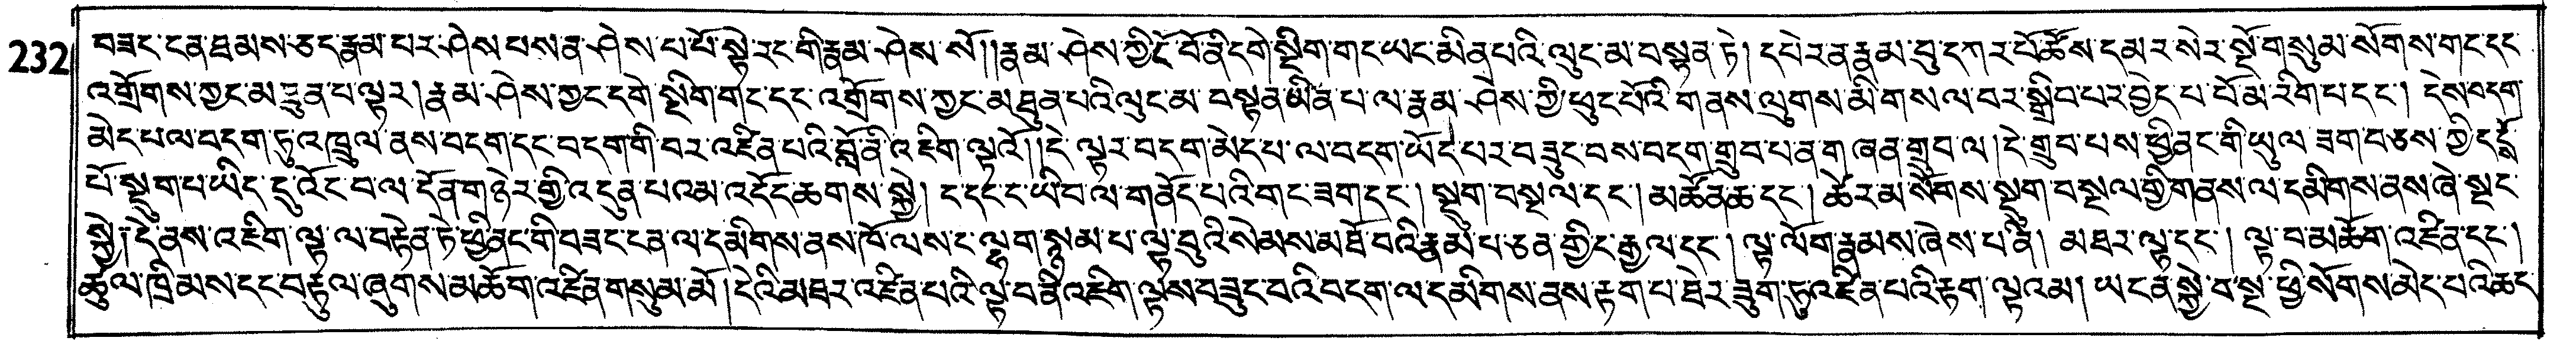བཟང་ངན་ཐམས་ཅད་རྣམ་པར་ཤེས་པས་ན་ཤེས་པ་པོ་སྟེ་རང་གི་རྣམ་ཤེས་སོ། །རྣམ་ཤེས་ཀྱི་ངོ་བོ་ནི་དགེ་སྡིག་གང་ཡང་མིན་པའི་ལུང་མ་བསྟན་ཏེ། དཔེར་ན་རྣམ་བུ་དཀར་པོ་ཚོས་དམར་སེར་སྡོ་གསུམ་སོགས་གང་དང་
འགྲོགས་ཀྱང་མཐུན་པ་ལྟར། རྣམ་ཤེས་ཀྱང་དགེ་སྡིག་གང་དང་འགྲོགས་ཀྱང་མཐུན་པའི་ལུང་མ་བསྟན་ཡིན་པ་ལ་རྣམ་ཤེས་ཀྱི་ཕུང་པོའི་གནས་ལུགས་མི་གསལ་བར་སྒྲིབ་པར་བྱེད་པ་པོ་མ་རིག་པ་དང་། དེས་བདག་
མེད་པ་ལ་བདག་ཏུ་འཁྲུལ་ནས་བདག་དང་བདག་གི་བར་འཛིན་པའི་བློ་ནི་འཇིག་ལྟའོ། །དེ་ལྟར་བདག་མེད་པ་ལ་བདག་ཡོད་པར་བཟུང་བས་བདག་གྲུབ་པ་ན་གཞན་གྲུབ་ལ། དེ་གྲུབ་པས་ཕྱི་ནང་གི་ཡུལ་ཟག་བཅས་ཀྱི་དངོས་
པོ་སྡུག་པ་ཡིད་དུ་འོང་བ་ལ་དོན་གཉེར་གྱི་འདུན་པའམ་འདོད་ཆགས་སྐྱེ། ང་དང་ང་ཡི་བ་ལ་གནོད་པའི་གང་ཟག་དང་། སྡུག་བསྔལ་དང་། མཚོན་ཆ་དང་། ཚེར་མ་སོགས་སྡུག་བསྔལ་གྱི་གནས་ལ་དམིགས་ནས་ཞེ་སྡང་
སྐྱེ༑ དེ་ནས་འཇིག་ལྟ་ལ་བརྟེན་ཏེ་ཕྱི་ནང་གི་བཟང་ངན་ལ་དམིགས་ནས་ཁོ་ལས་ང་ལྷག་སྙམ་པ་ལྟ་བུའི་སེམས་མཐོ་བའི་རྣམ་པ་ཅན་གྱི་ང་རྒྱལ་དང་། ལྟ་ལོག་རྣམས་ཞེས་པ་ནི། མཐར་ལྟ་དང་། ལྟ་བ་མཆོག་འཛིན་དང་།
ཚུལ་ཁྲིམས་དང་བརྟུལ་ཞུགས་མཆོག་འཛིན་གསུམ་མོ། དེའི་མཐར་འཛིན་པའི་ལྟ་བ་ནི་འཇིག་ལྟས་བཟུང་བའི་བདག་ལ་དམིགས་ནས་རྟག་པ་ཐེར་ཟུག་ཏུ་འཛིན་པའི་རྟག་ལྟའམ། ཡང་ན་སྐྱེ་བ་སྔ་ཕྱི་སོགས་མེད་པའི་ཆང་